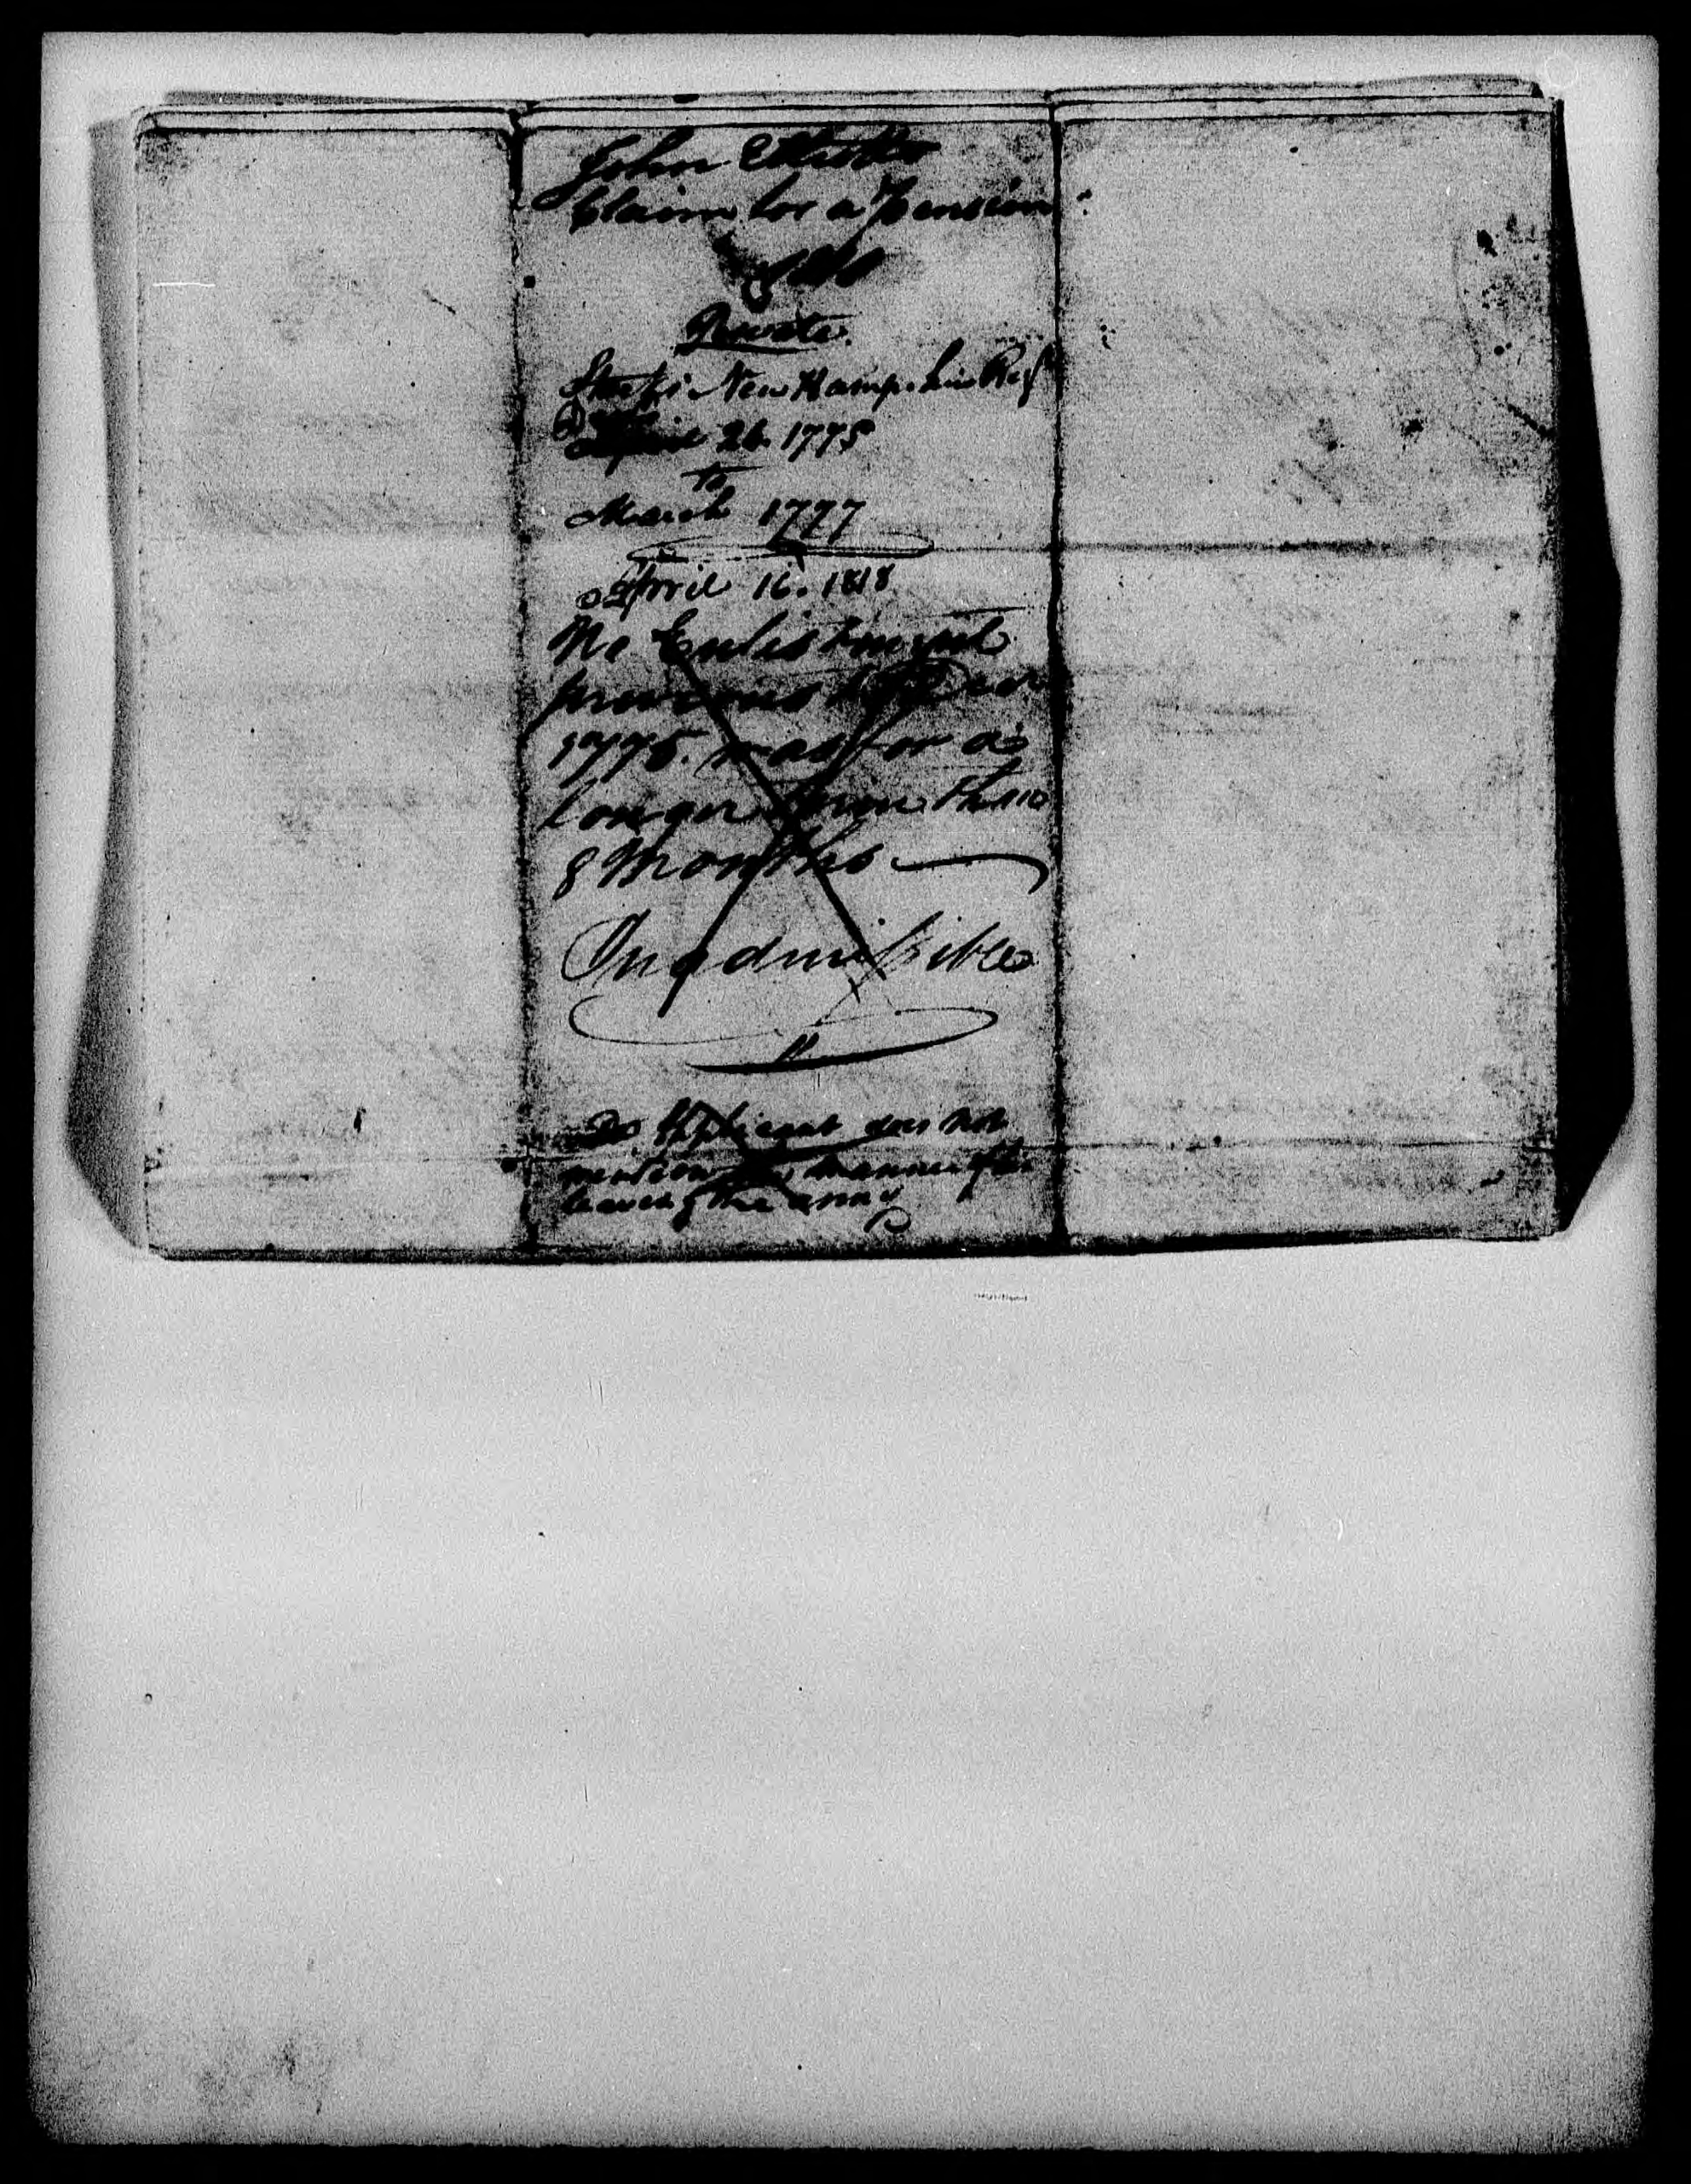John Elliott
claim for a pension
[illegible]
Rivate
State: New Hampshire
[illegible] 26. 1775
to
March 1777
April 16. 1818
[crossed out illegible No Entis
1775 was for a longer 8 months]
[crossed out illegible]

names: John Elliott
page: 4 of 57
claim: widow's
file: W. 16,114, John Elliot, Continental (Mass) N.H.